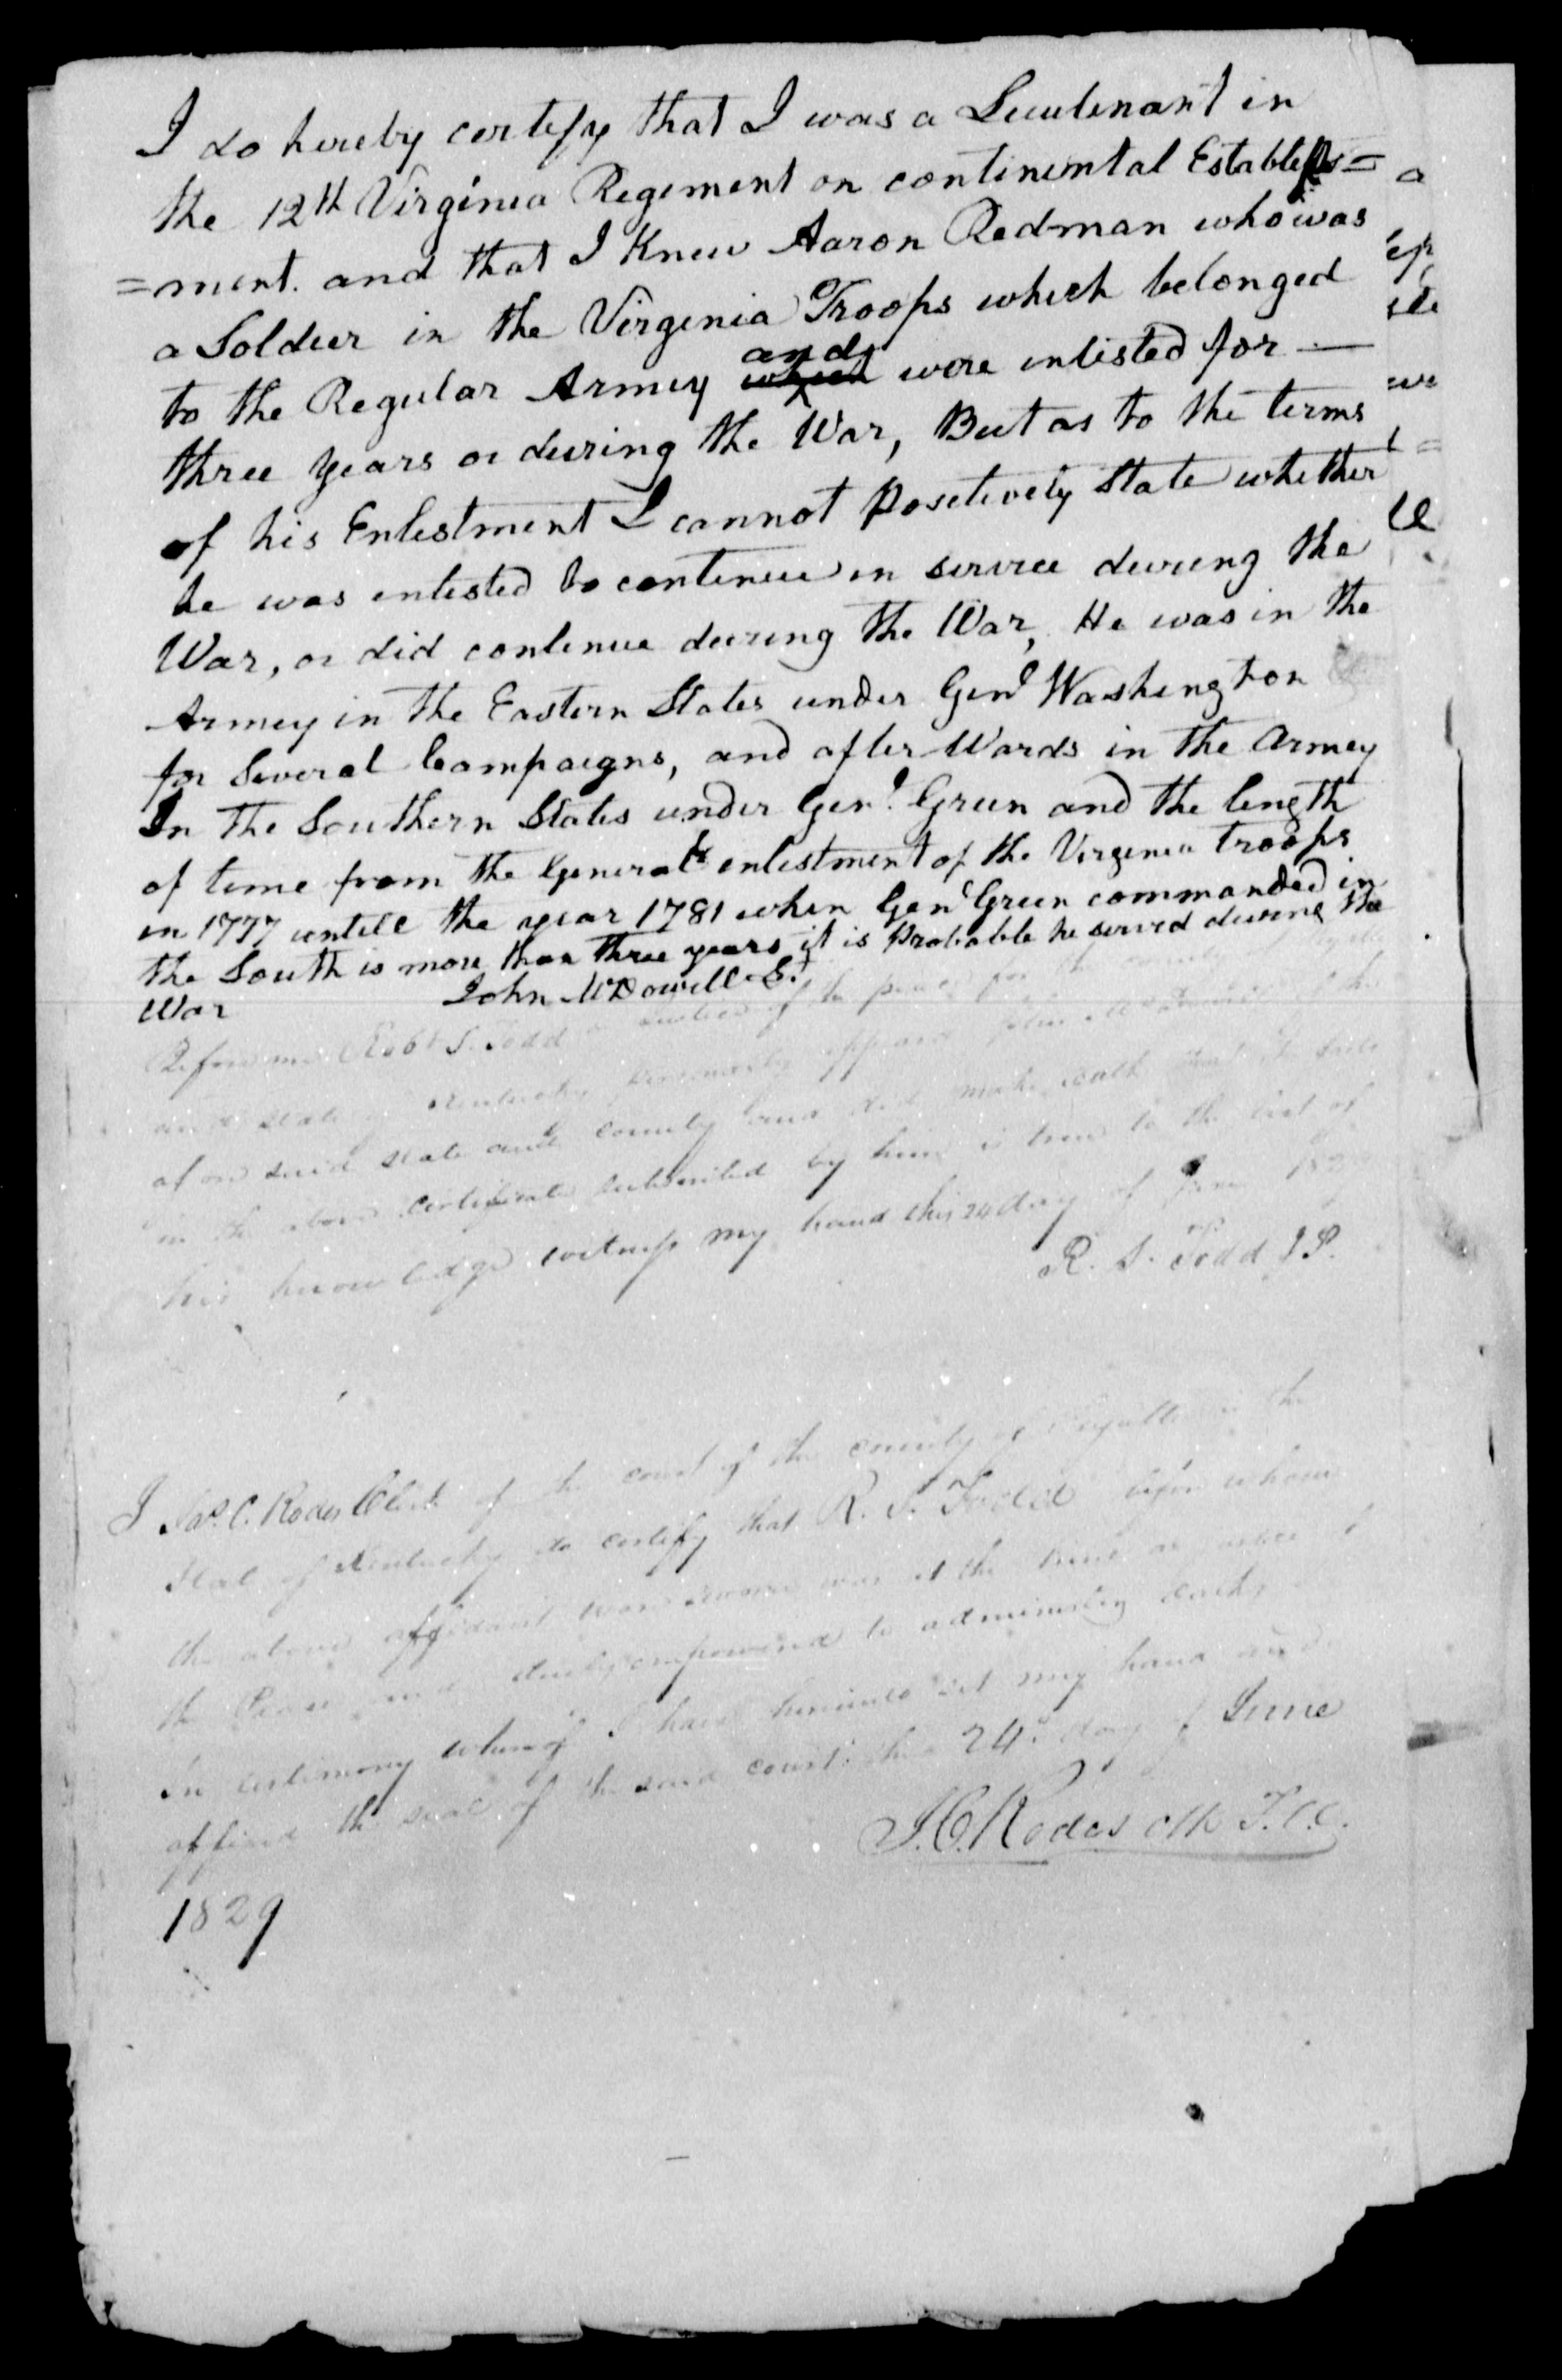I do hereby certify that I was a Lieutenant in
the 12th Virginia Regiment on continental Establishment
and that I knew Aaron Readman who was
Soldier in the Virginia Troops which belonged
to the Regular Army and were enlisted for --
three years or during the War, But as to the terms
of his enlistment I cannot positively state whether
he was enlisted to continue in service during the War, or did continue during The War. He was in the
Army in The Eastern States under Gen Washington
for several campaigns , and afterwards in the army
in the Southern States under Gen. Green and the length
of time from the general enlistment of the Virginia Troops 
in 1777 until the year 1781 when Gen Green commanded in 
the South is more than three years it is possible he served during the war
John McDowell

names: Robt S Todd; [BLANK] Green; [BLANK] Washington; John Mc Dowell; R S Todd; [BLANK] Green; Aaron Redman; J C Rodes; R S Todd; J P C Rodes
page: 52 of 57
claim: widow's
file: W. 9,622, for Aaron Redman, Virginia